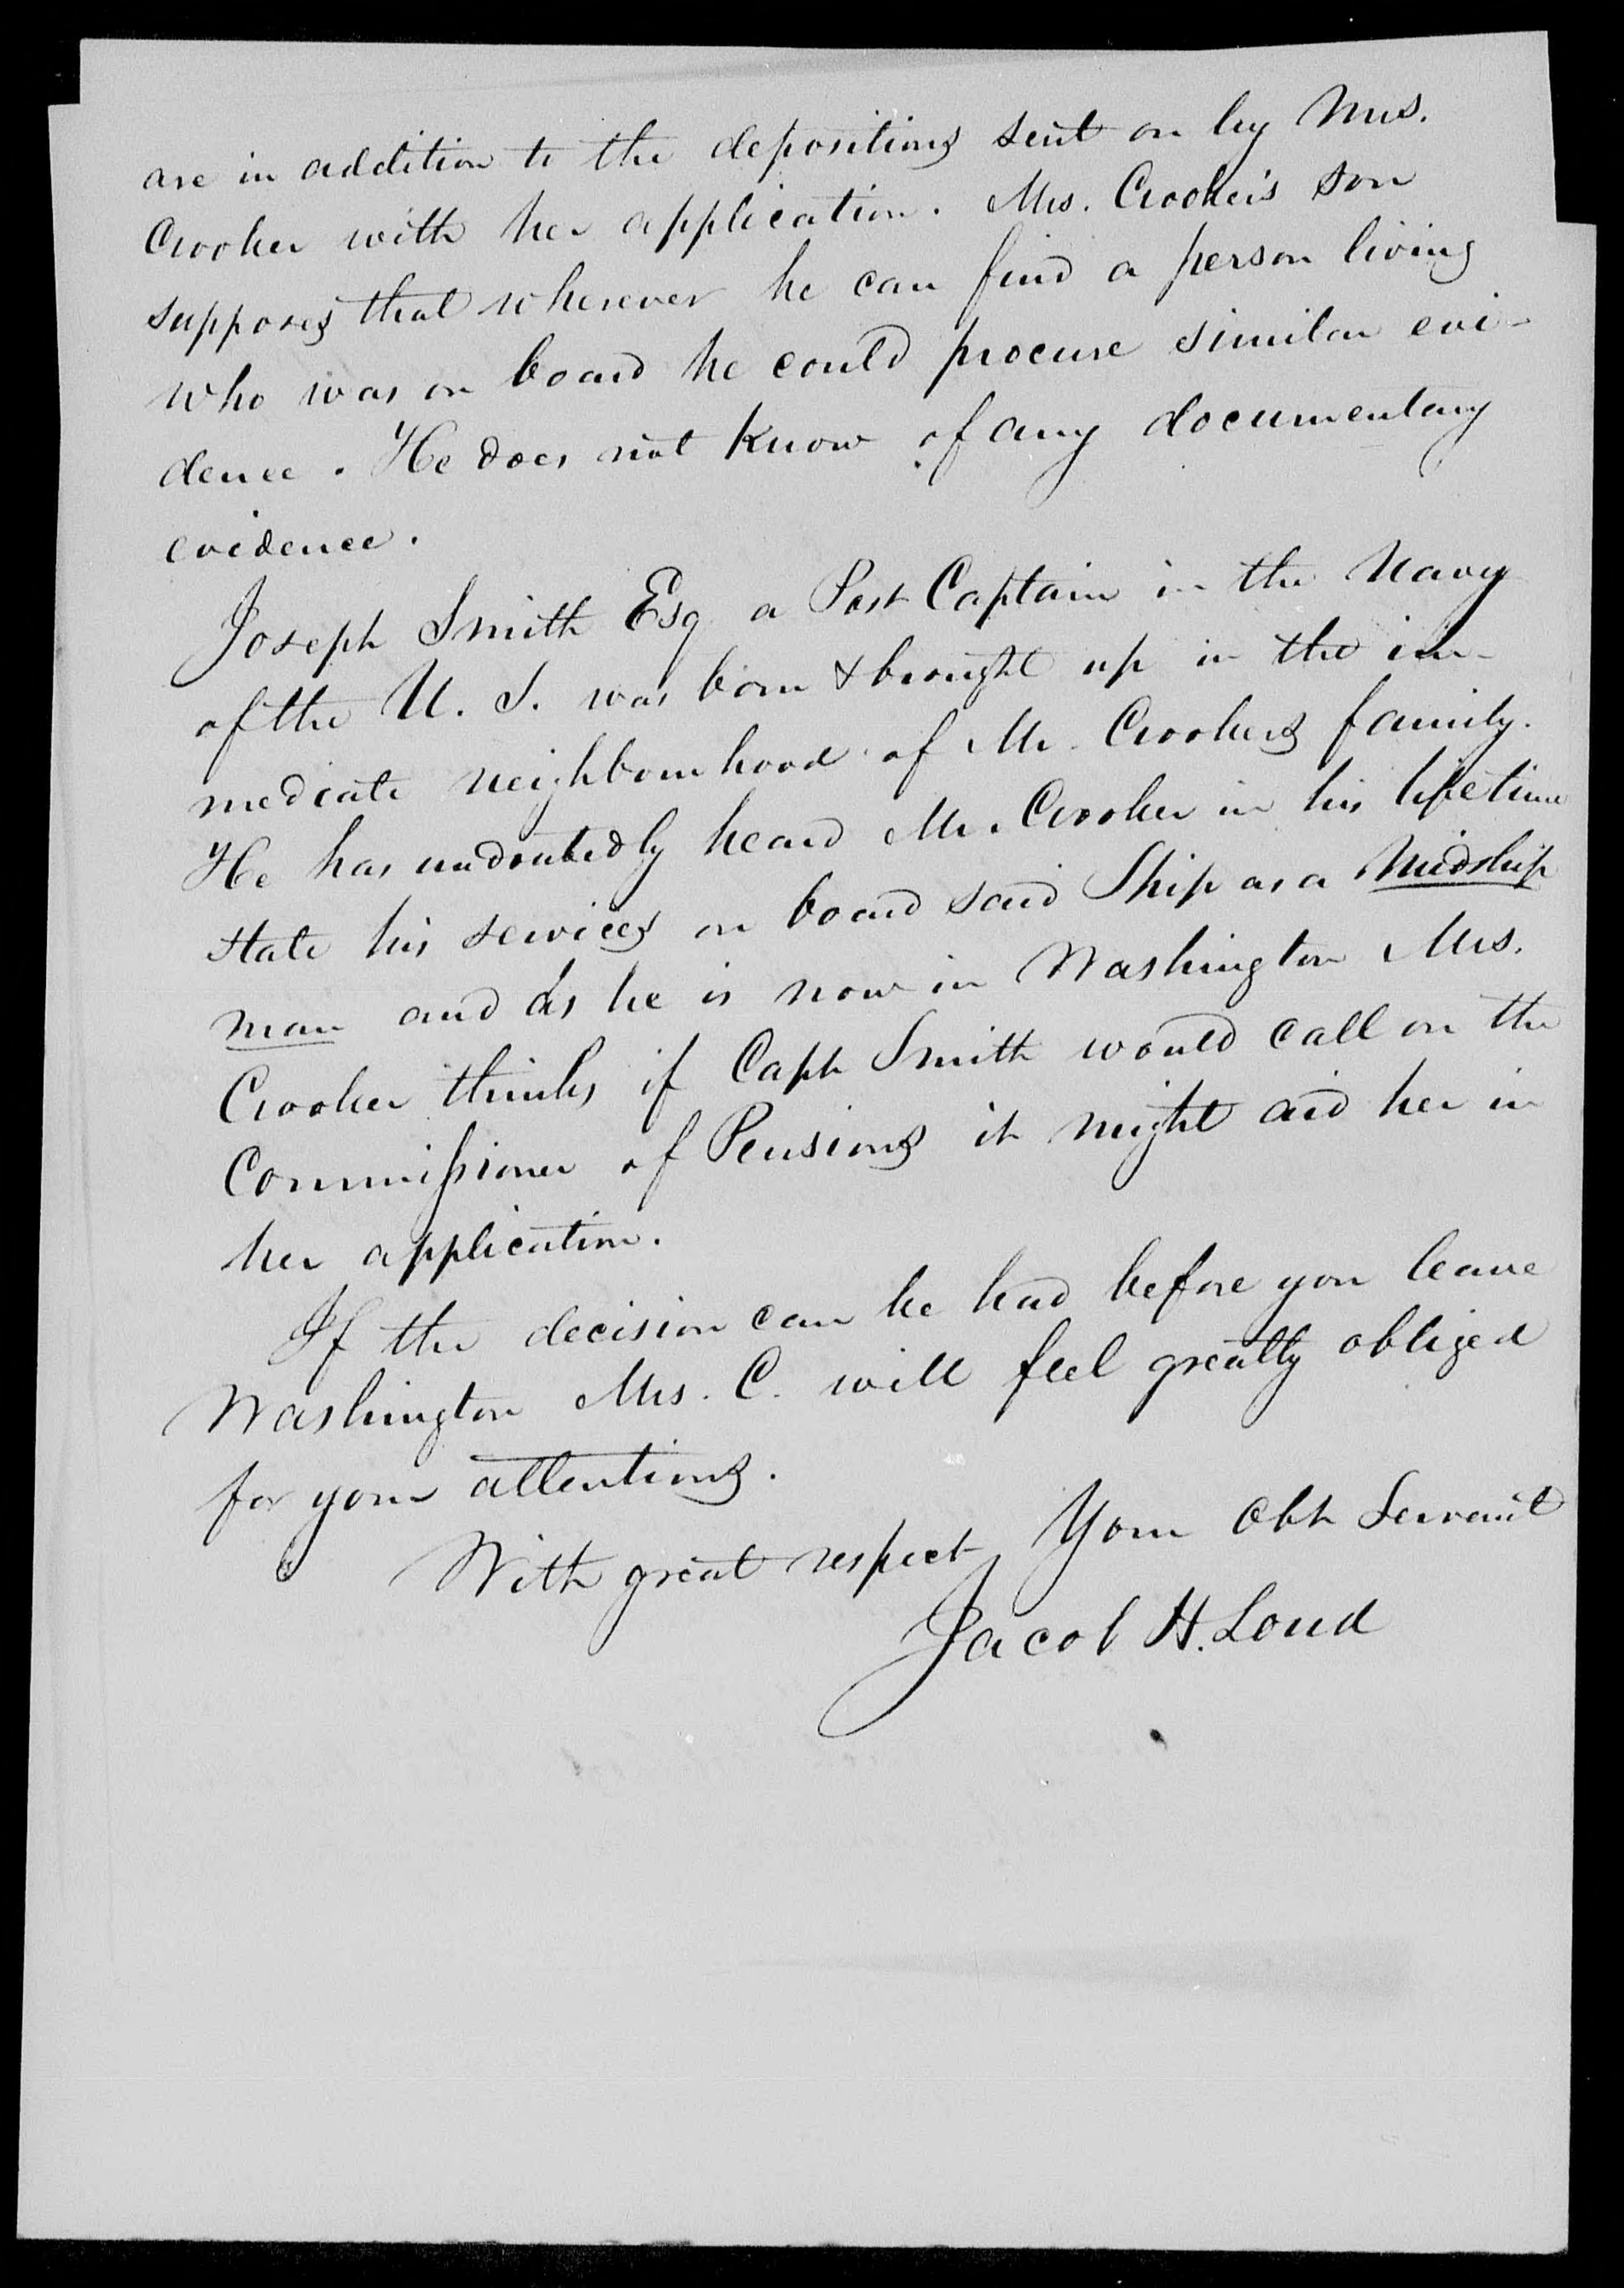are in addition to the depositions sent on by Mrs. Crooker with her application.  Mrs Crooker's son supposes that whenever he can find a person living who was on board he could procure similar evidence.  He does not know of any documentary evidence.

Joseph Smith Esq. a Post Captain in the Navy of the U.S. was born and brought up in the immediate neighborhood of Mr. Crooker's family. He has undoubtedly heard Mr. Crooker in his lifetime state his services on board said Ship as a Midshipman and as he is now in Washington, Mrs. Crooker thinks if Capt. Smith would call on the Commissioner of Pensions it might aid her in her application.
If the decision can be had before you leave Washington, Mrs. C will feel greatly obliged for your attentions. 

With great respect, your obedient servant,

Jacob H. Loud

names: Smith, Crooker, Jacob H Loud, Crooker, Joseph Smith, Crooker, Crooker, Crooker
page: 15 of 33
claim: widow's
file: W. 22862, Tilden Crooker, Mass Navy